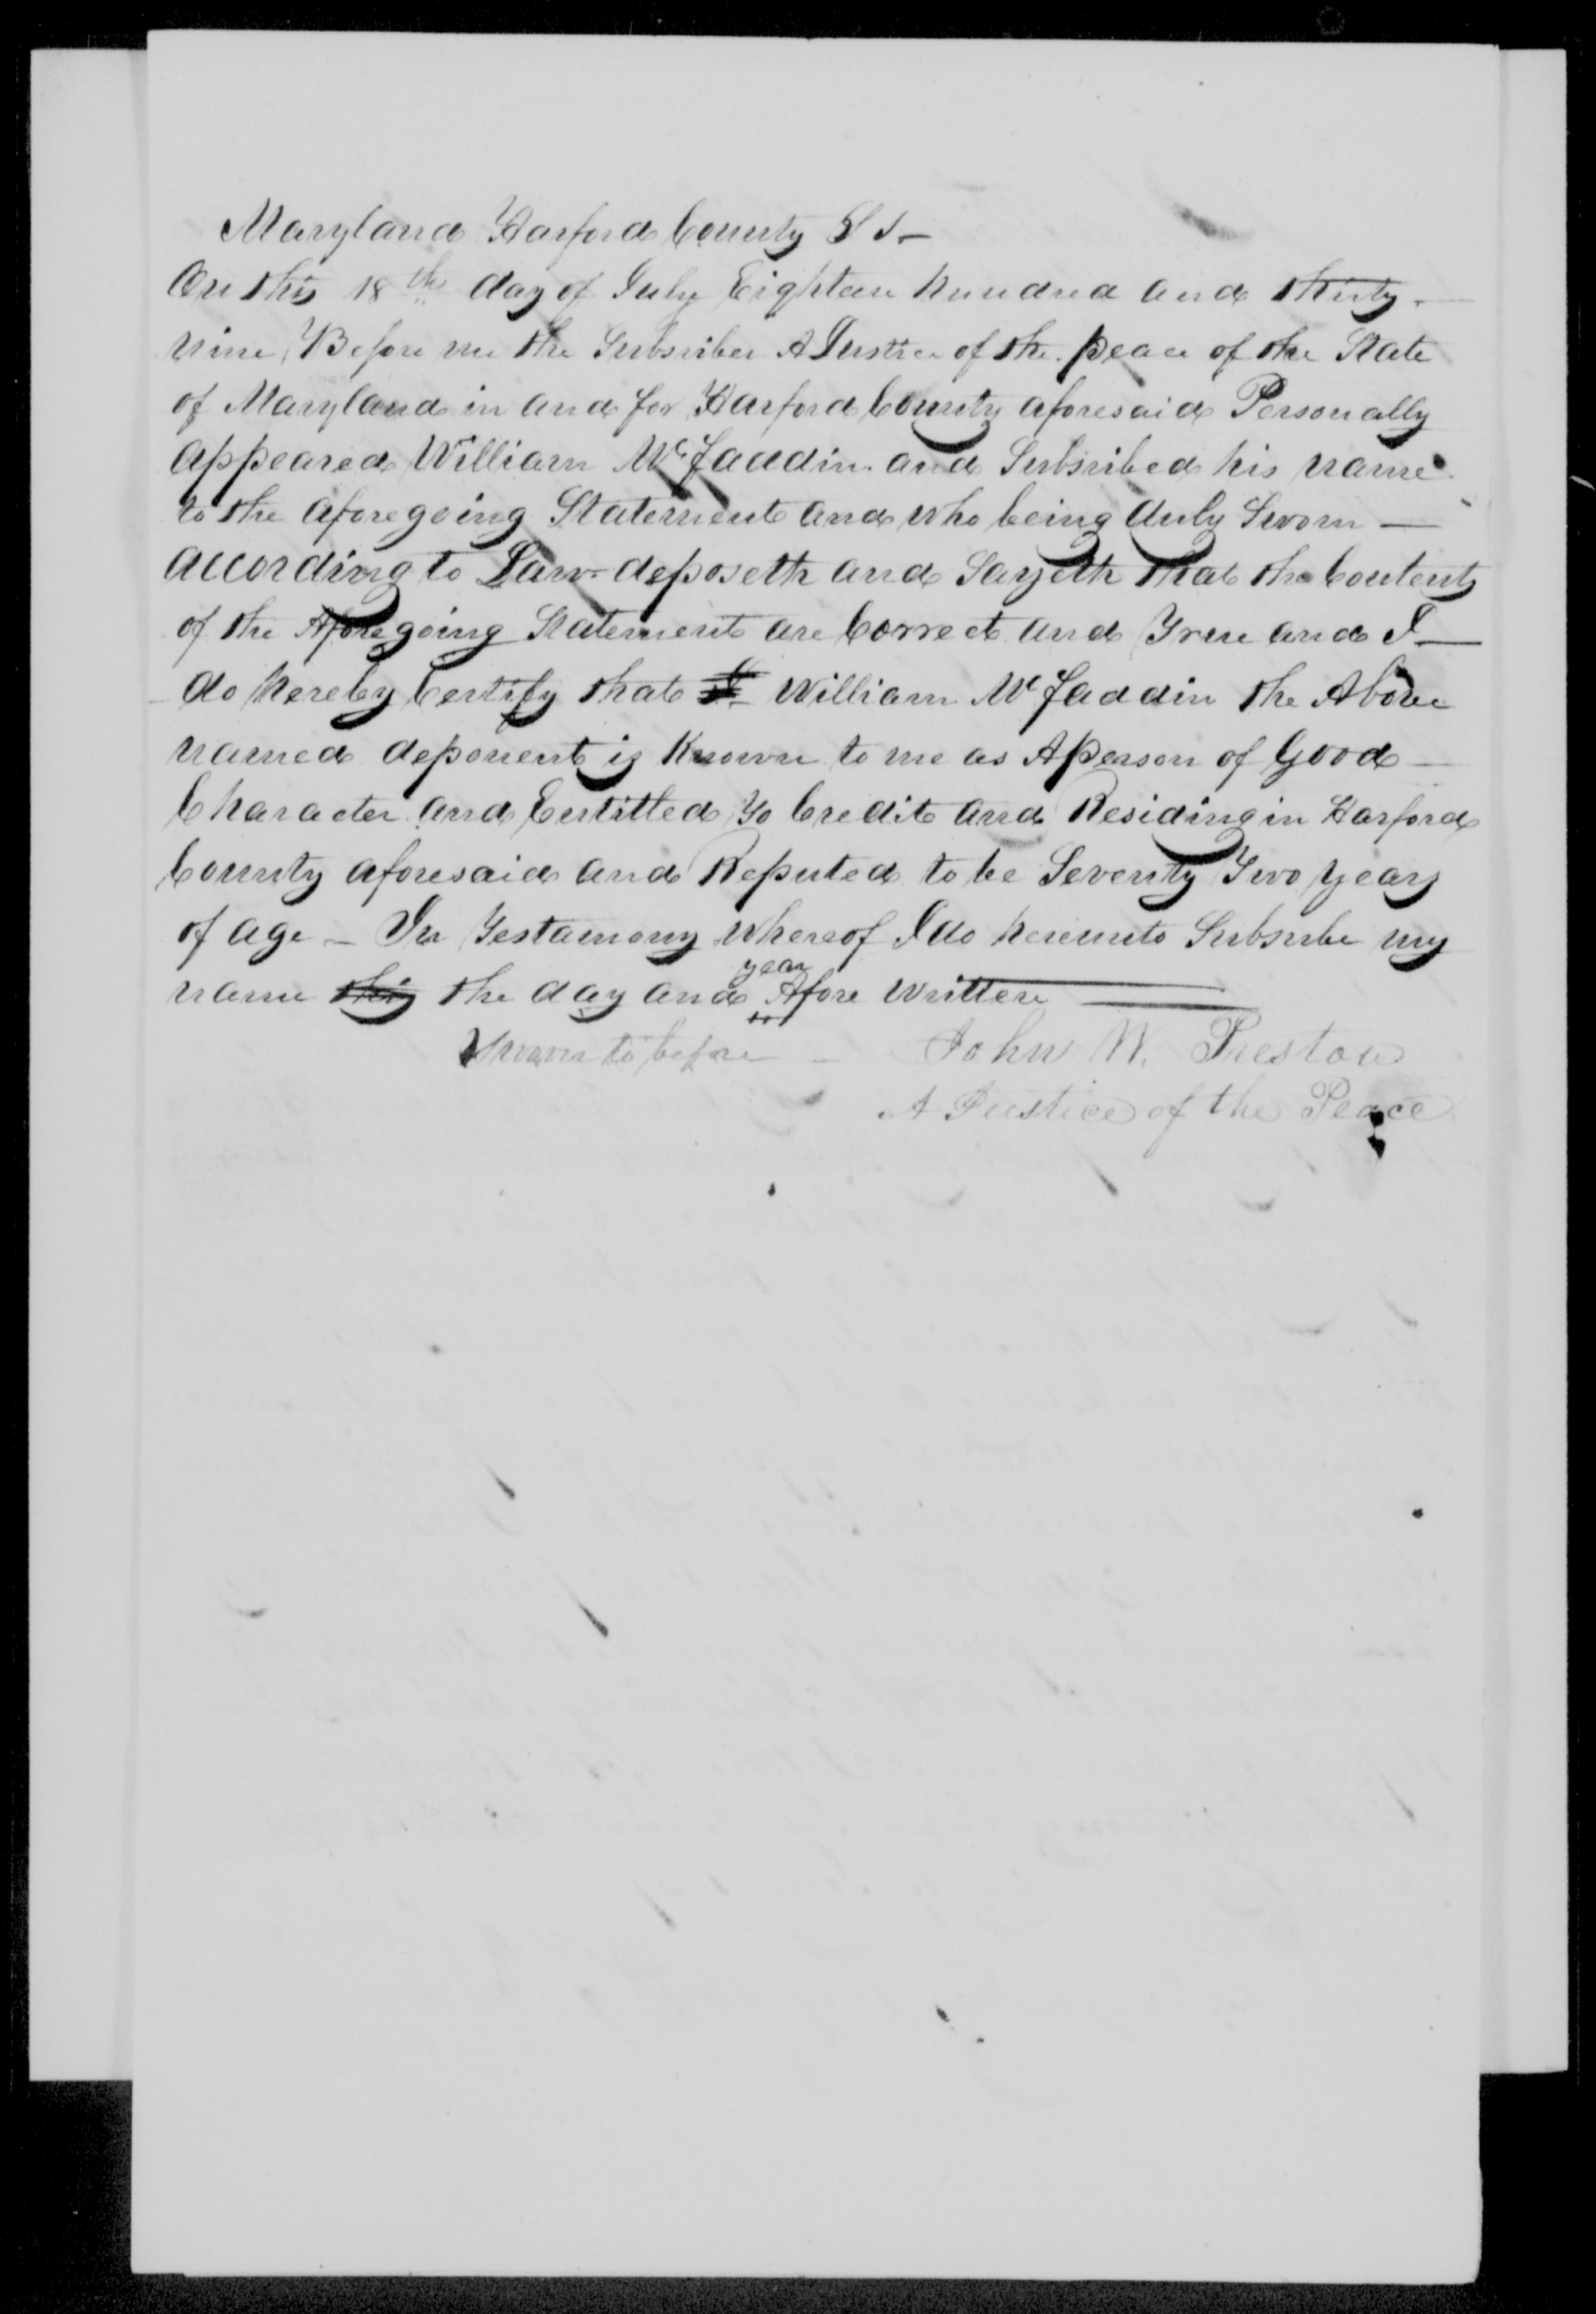Maryland Harford County SS
On this 18th day of July Eighteen hundred and thirty nine, Before me the Subscriber a Justice of the peace of the State of Maryland in and for Harford County aforesaid Personally appeared William Mcfaddin and Subsribed [subscribed] his name
to the aforegoing [foregoing] Statement and who being duly sworn -- according to
Law deposeth [deposes] and sayeth that the Contents of the aforegoing [foregoing] statement are correct and true and I do hereby certify that William Mcfaddin the Above named deponent is known to me as a person of Good - Character and Entitled to Credit and residing in Harford County aforesaid and reputed to be Seventy Two years of age - In Testamony [testimony] whereof I do hereunto subscribe my name [this crossed out] the day and year fore written
Sworn to before
John W. Preston
A Justice of the Peace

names: John W Preston, William Mcfaddin, William Mcfaddin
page: 30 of 38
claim: widow's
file: W. 3899, John Wann, Penn.